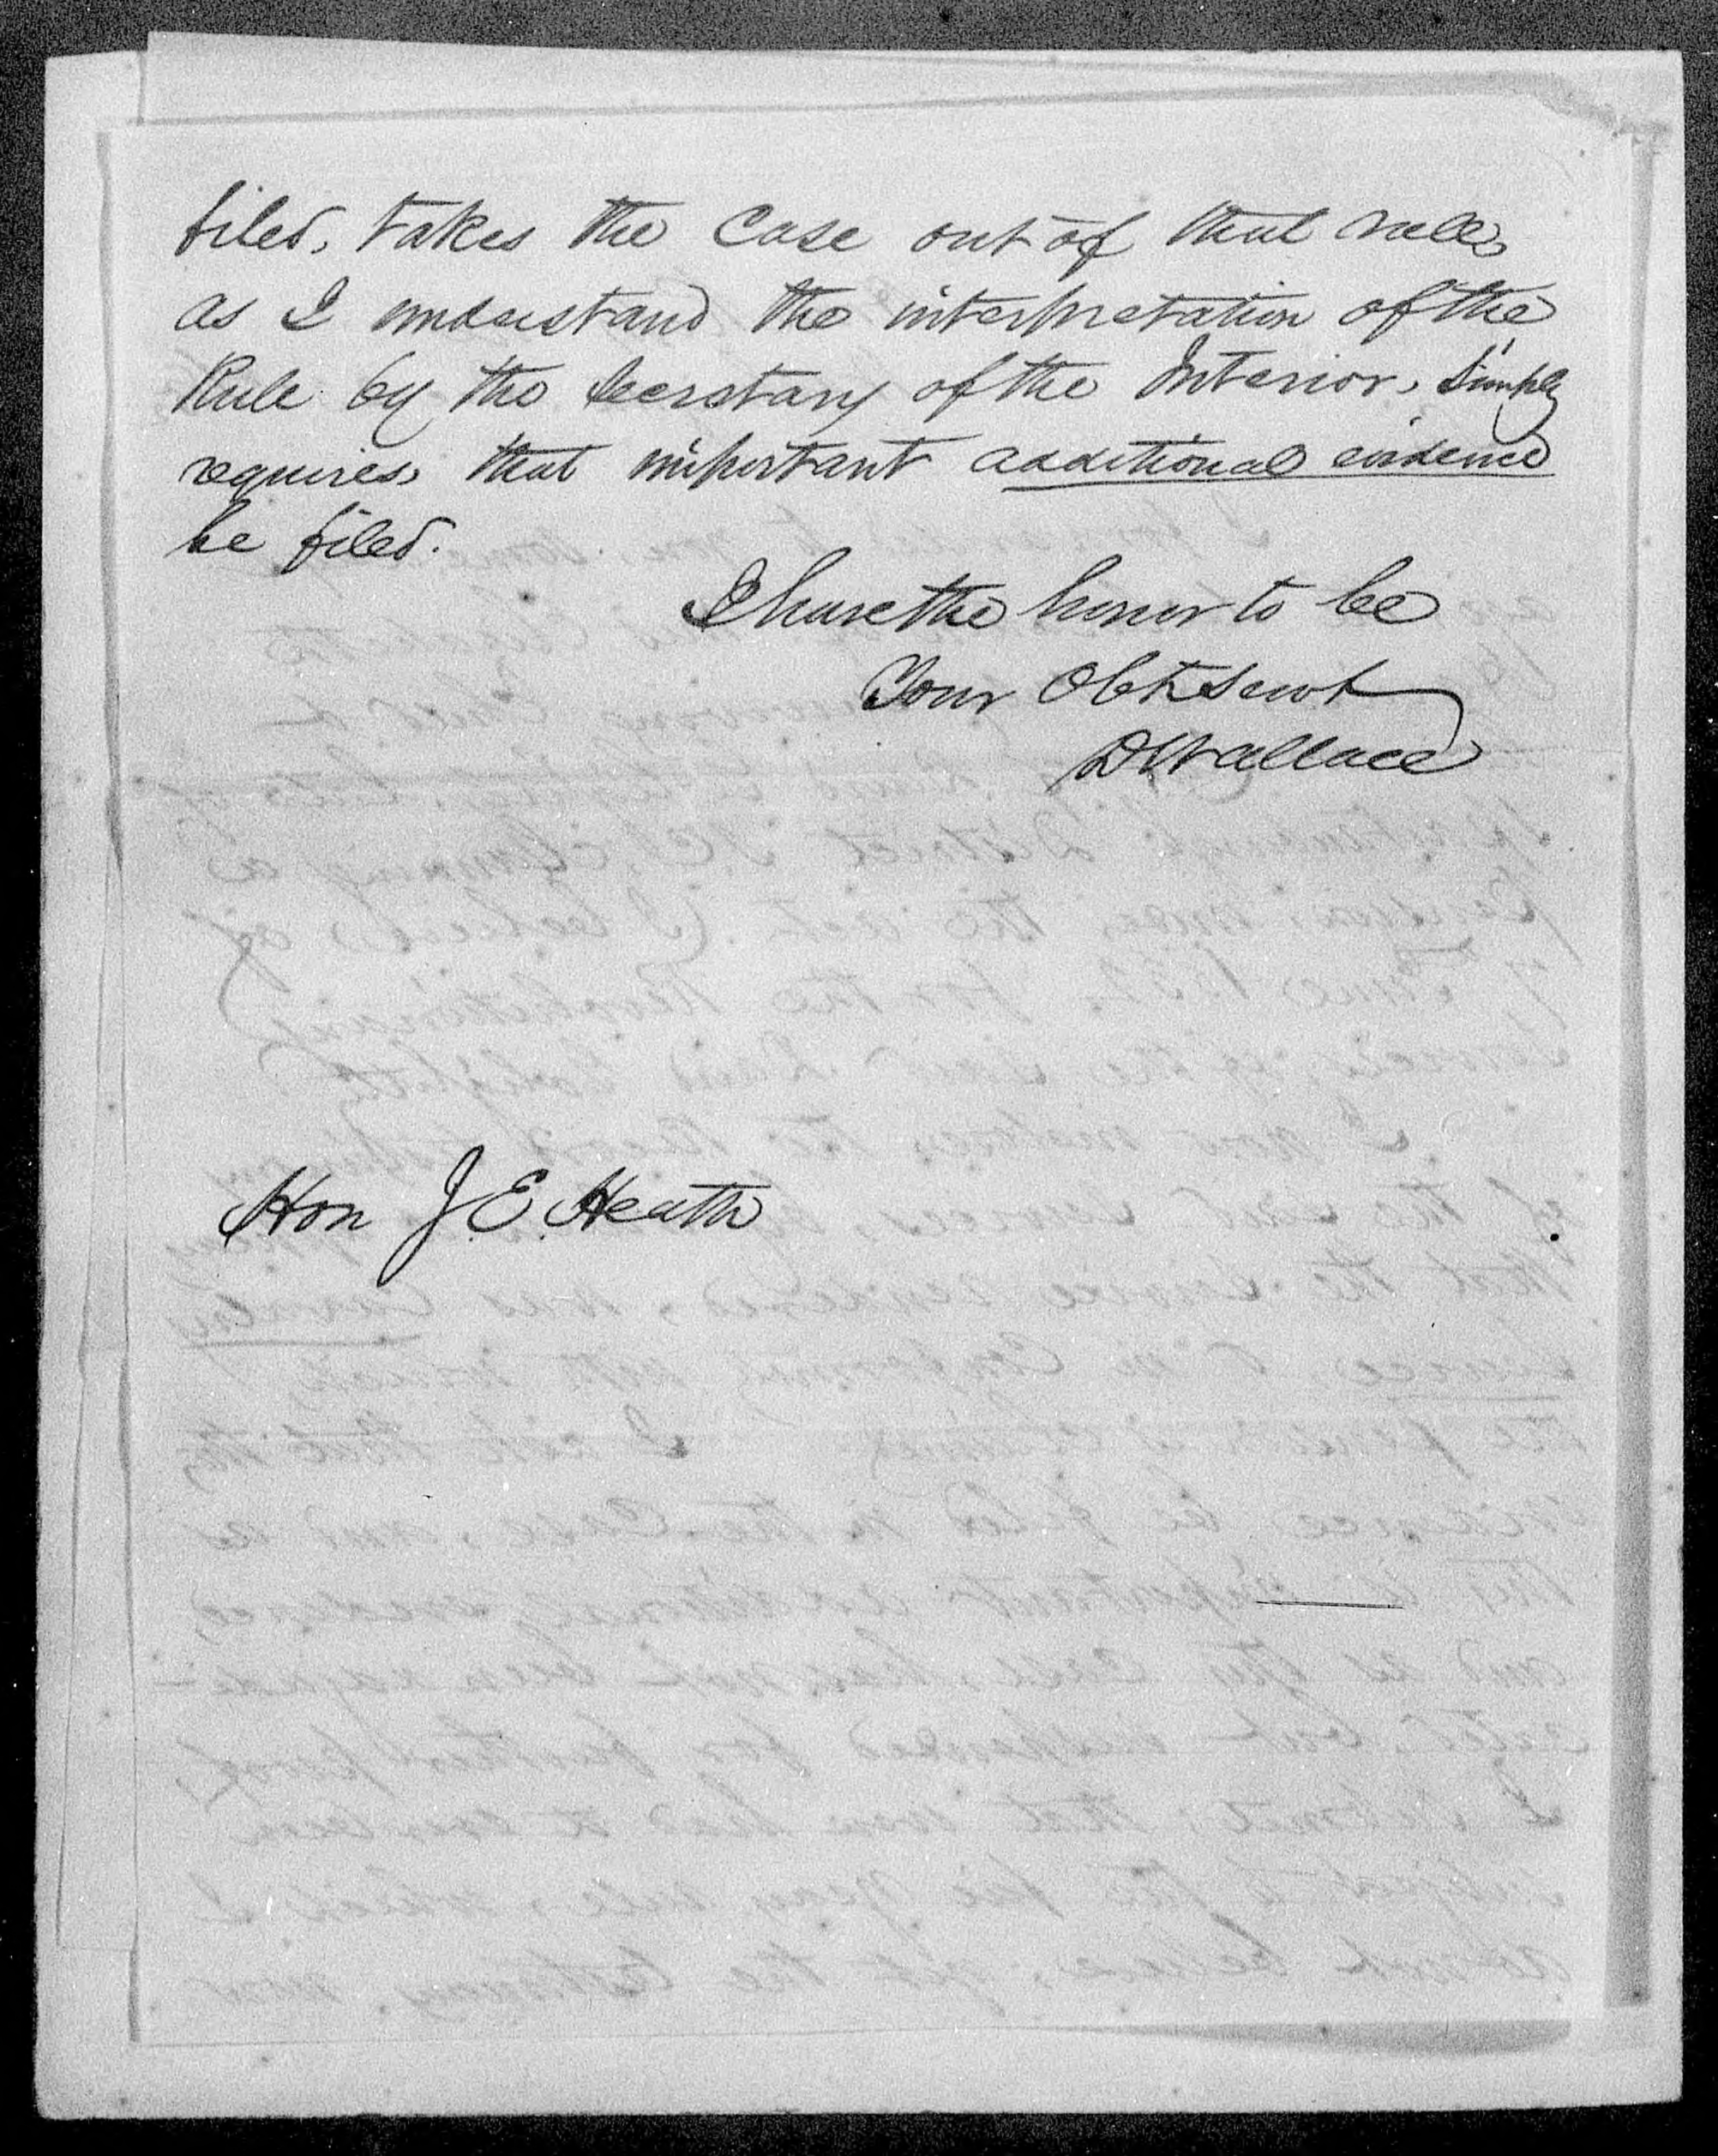filed, takes the case out of that well
as I understand the interpretation of the
Rule by the Secretary of the Interior, simply
requires that important additional evidence
be filed.

I have the honor to be
your Obt servt
D. Wallace

Hon J. E. Heath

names: D Wallace, J E Heath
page: 40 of 57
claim: survivor's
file: S. 18888, David Golightly, S.C.